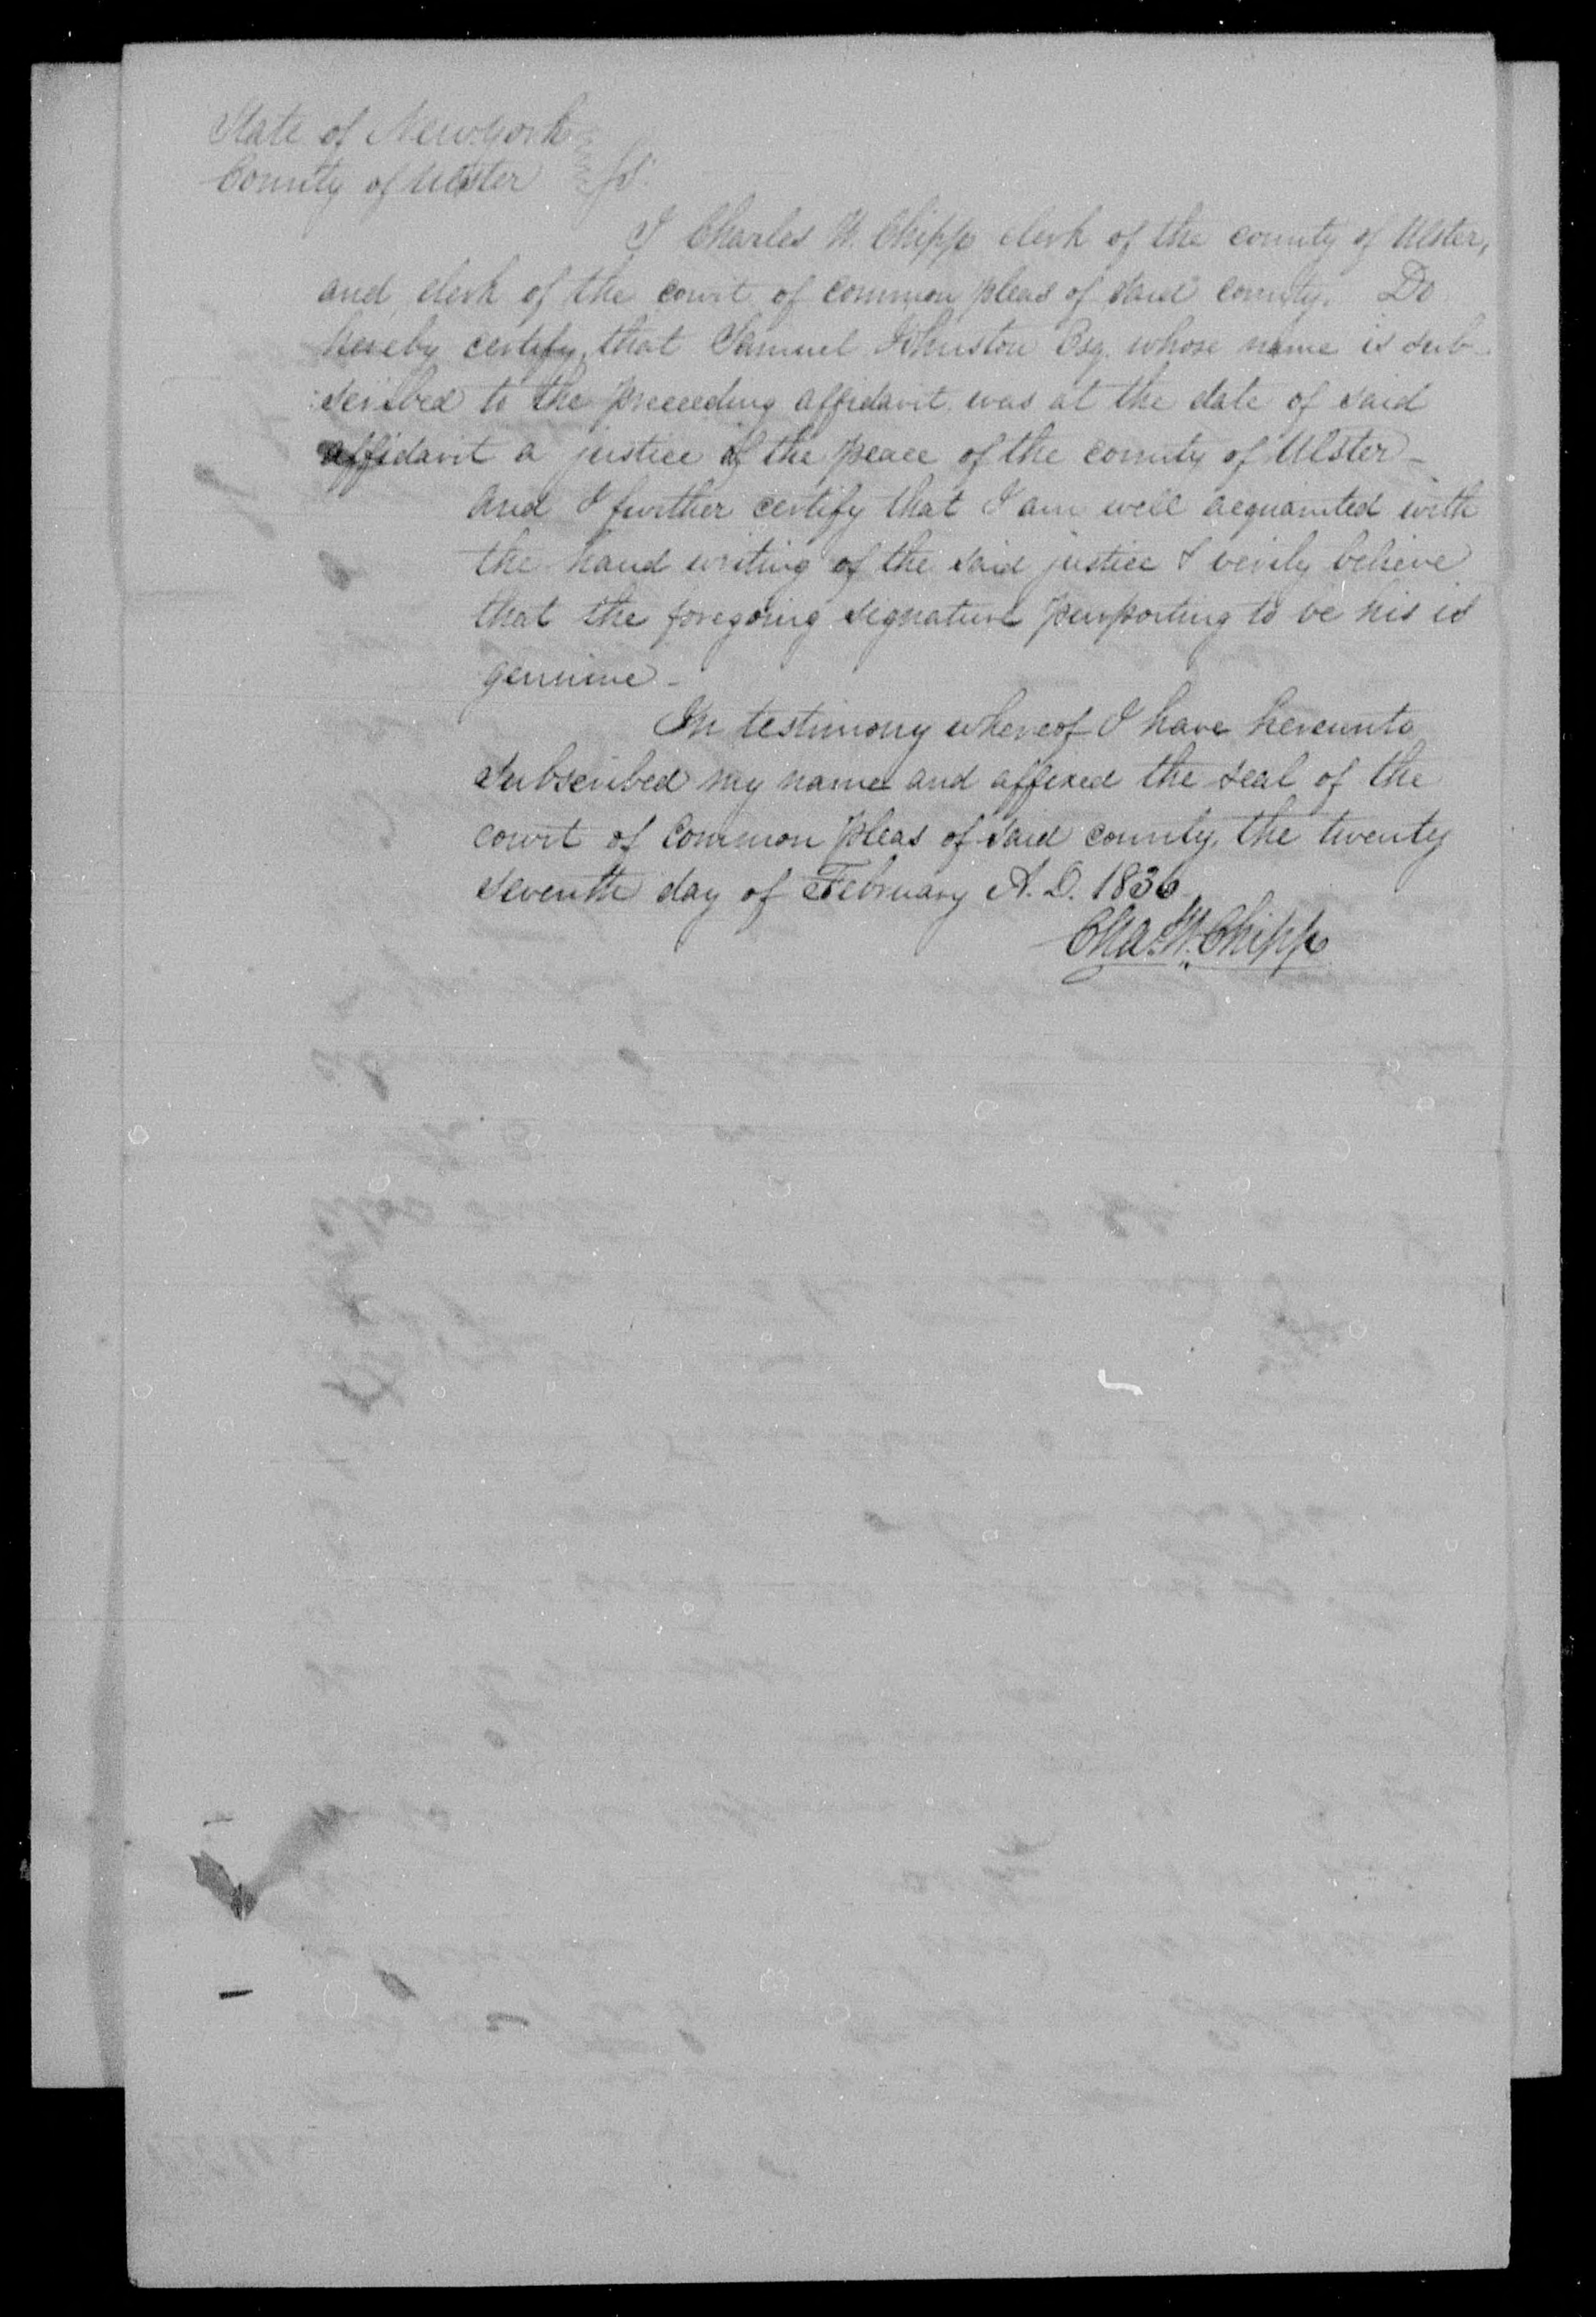State of New York
County of Ulster
S
I Charles W. Chipps Clerk of the County of Ulster,
and clerk of the court of Common pleas of said County. Do
hereby certify that Samuel Johnston Esq. whose name is subscribed
to the preceeding affidavit, was at the date of said
Affidavit a Justice of the peace of the County of Ulster and
I further certify that I am well acquainted with
the hand writing of the said justice & verily believe
that the foregoing signature purporting to be his is
genuine.
In testimony whereof I have hereunto
Subscribed my name and affixed the seal of the
court of Common Pleas of said county, the twenty
Seventh day of February A.D. 1836
Cha Shipp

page: 52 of 64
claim: survivor's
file: S. 42,464, for William Terwilliger, New York